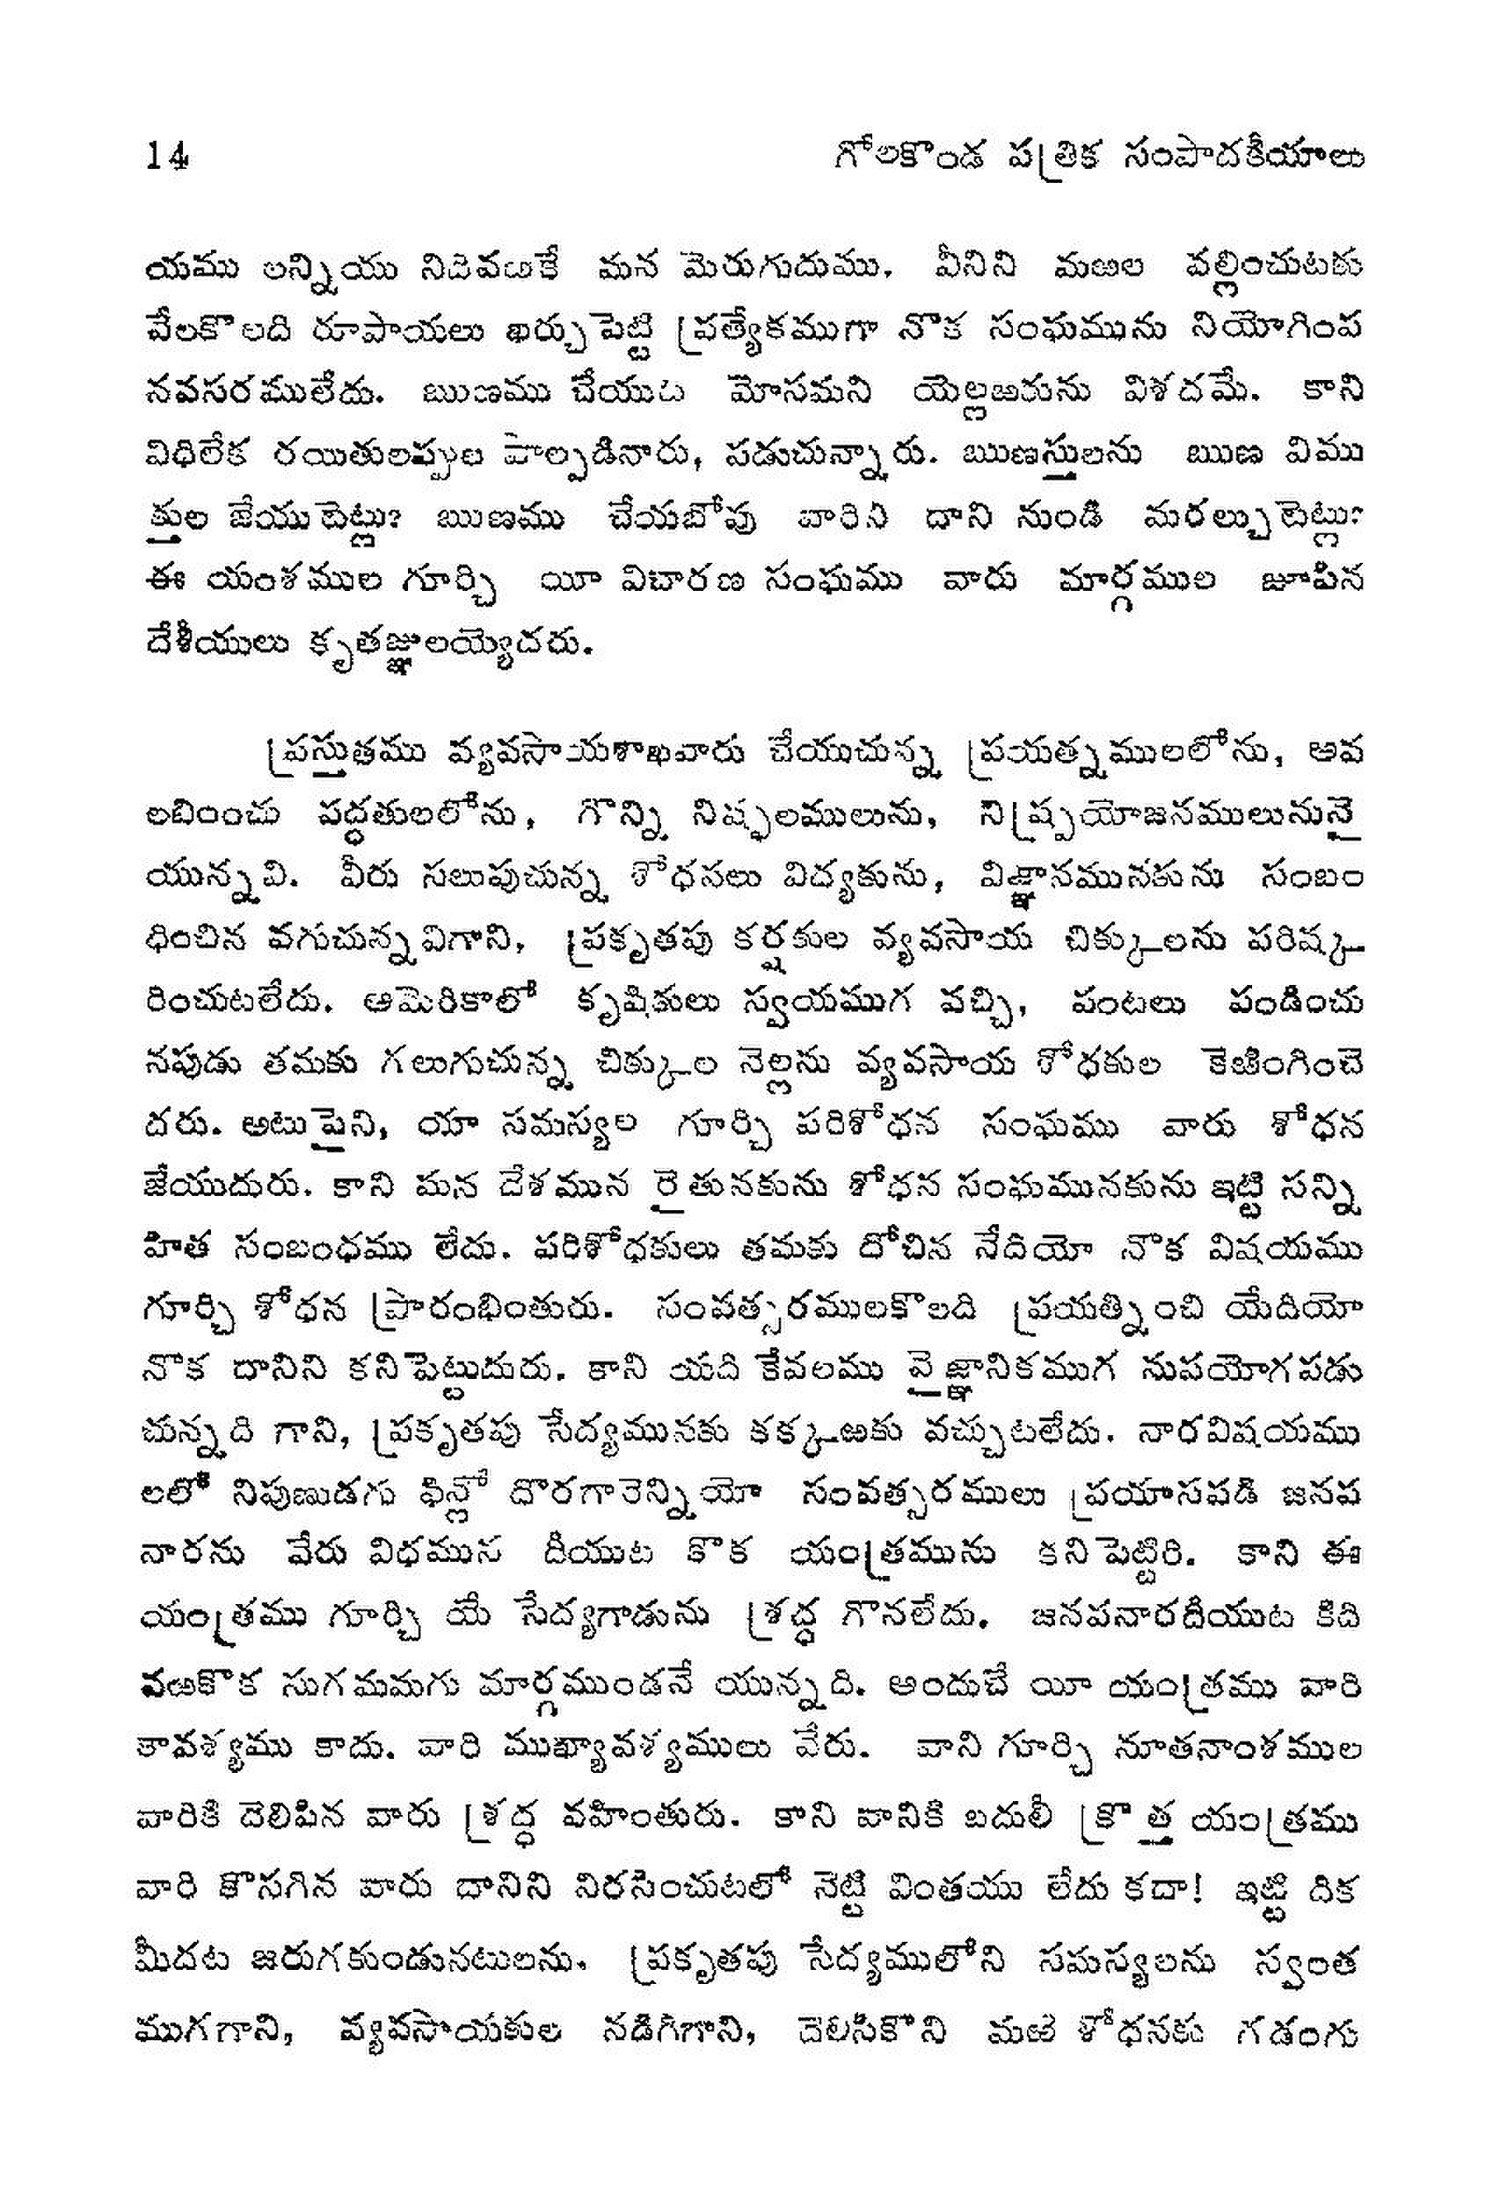యము లన్నియు నిదివఱకే మన మెరుగుదుము. వీనిని మఱల వల్లించుటకు వేలకొలది రూపాయలు ఖర్చుపెట్టి ప్రత్యేకముగా నొక సంఘమును నియోగింప నవసరములేదు. ఋణము చేయుట మోసమని యెల్లఱకును విశదమే. కాని విధిలేక రయితులప్పుల పాల్పడినారు, పడుచున్నారు. ఋణస్తులను ఋణ విముక్తుల జేయుటెట్లు? ఋణము చేయబోపు వారిని దాని నుండి మరల్చుటెట్లు: ఈ యంశముల గూర్చి యీ విచారణ సంఘము వారు మార్గముల జూపిన దేశీయులు కృతజ్ఞులయ్యెదరు.

ప్రస్తుతము వ్యవసాయశాఖవారు చేయుచున్న ప్రయత్నములలోను, అవలబించు పద్ధతులలోను, గొన్ని నిష్ఫలములును, నిష్ప్రయోజనములునునై యున్నవి. వీరు సలుపుచున్న శోధనలు విద్యకును, విజ్ఞానమునకును సంబంధించిన వగుచున్నవిగాని, ప్రకృతపు కర్షకుల వ్యవసాయ చిక్కులను పరిష్కరించుటలేదు. ఆమెరికాలో కృషికులు స్వయముగ వచ్చి, పంటలు పండించునపుడు తమకు గలుగుచున్న చిక్కుల నెల్లను వ్యవసాయ శోధకుల కెఱింగించెదరు. అటుపైని, యా సమస్యల గూర్చి పరిశోధన సంఘము వారు శోధన జేయుదురు. కాని మన దేశమున రైతునకును శోధన సంఘమునకును ఇట్టి సన్నిహిత సంబంధము లేదు. పరిశోధకులు తమకు దోచిన నేదియో నొక విషయము గూర్చి శోధన ప్రారంభింతురు. సంవత్సరములకొలది ప్రయత్నించి యేదియో నొక దానిని కనిపెట్టుదురు. కాని యది కేవలము వైజ్ఞానికముగ నుపయోగపడుచున్నది గాని, ప్రకృతపు సేద్యమునకు కక్కఱకు వచ్చుటలేదు. నారవిషయములలో నిపుణుడగు ఫిన్లో దొరగారెన్నియో సంవత్సరములు ప్రయాసపడి జనపనారను వేరు విధమున దీయుట కొక యంత్రమును కనిపెట్టిరి. కాని ఈ యంత్రము గూర్చి యే సేద్యగాడును శ్రద్ధ గొనలేదు. జనపనారదీయుట కిదివఱకొక సుగమమగు మార్గముండనే యున్నది. అందుచే యీ యంత్రము వారి కావశ్యము కాదు. వారి ముఖ్యావశ్యములు వేరు. వాని గూర్చి నూతనాంశముల వారికి దెలిపిన వారు శ్రద్ధ వహింతురు. కాని వానికి బదులీ క్రొత్త యంత్రము వారి కొసగిన వారు దానిని నిరసించుటలో నెట్టి వింతయు లేదు కదా! ఇట్టి దిక మీదట జరుగకుండునటులను. ప్రకృతపు సేద్యములోని సమస్యలను స్వంతముగగాని, వ్యవసాయకుల నడిగిగాని, దెలిసికొని మఱి శోధనకు గడంగు